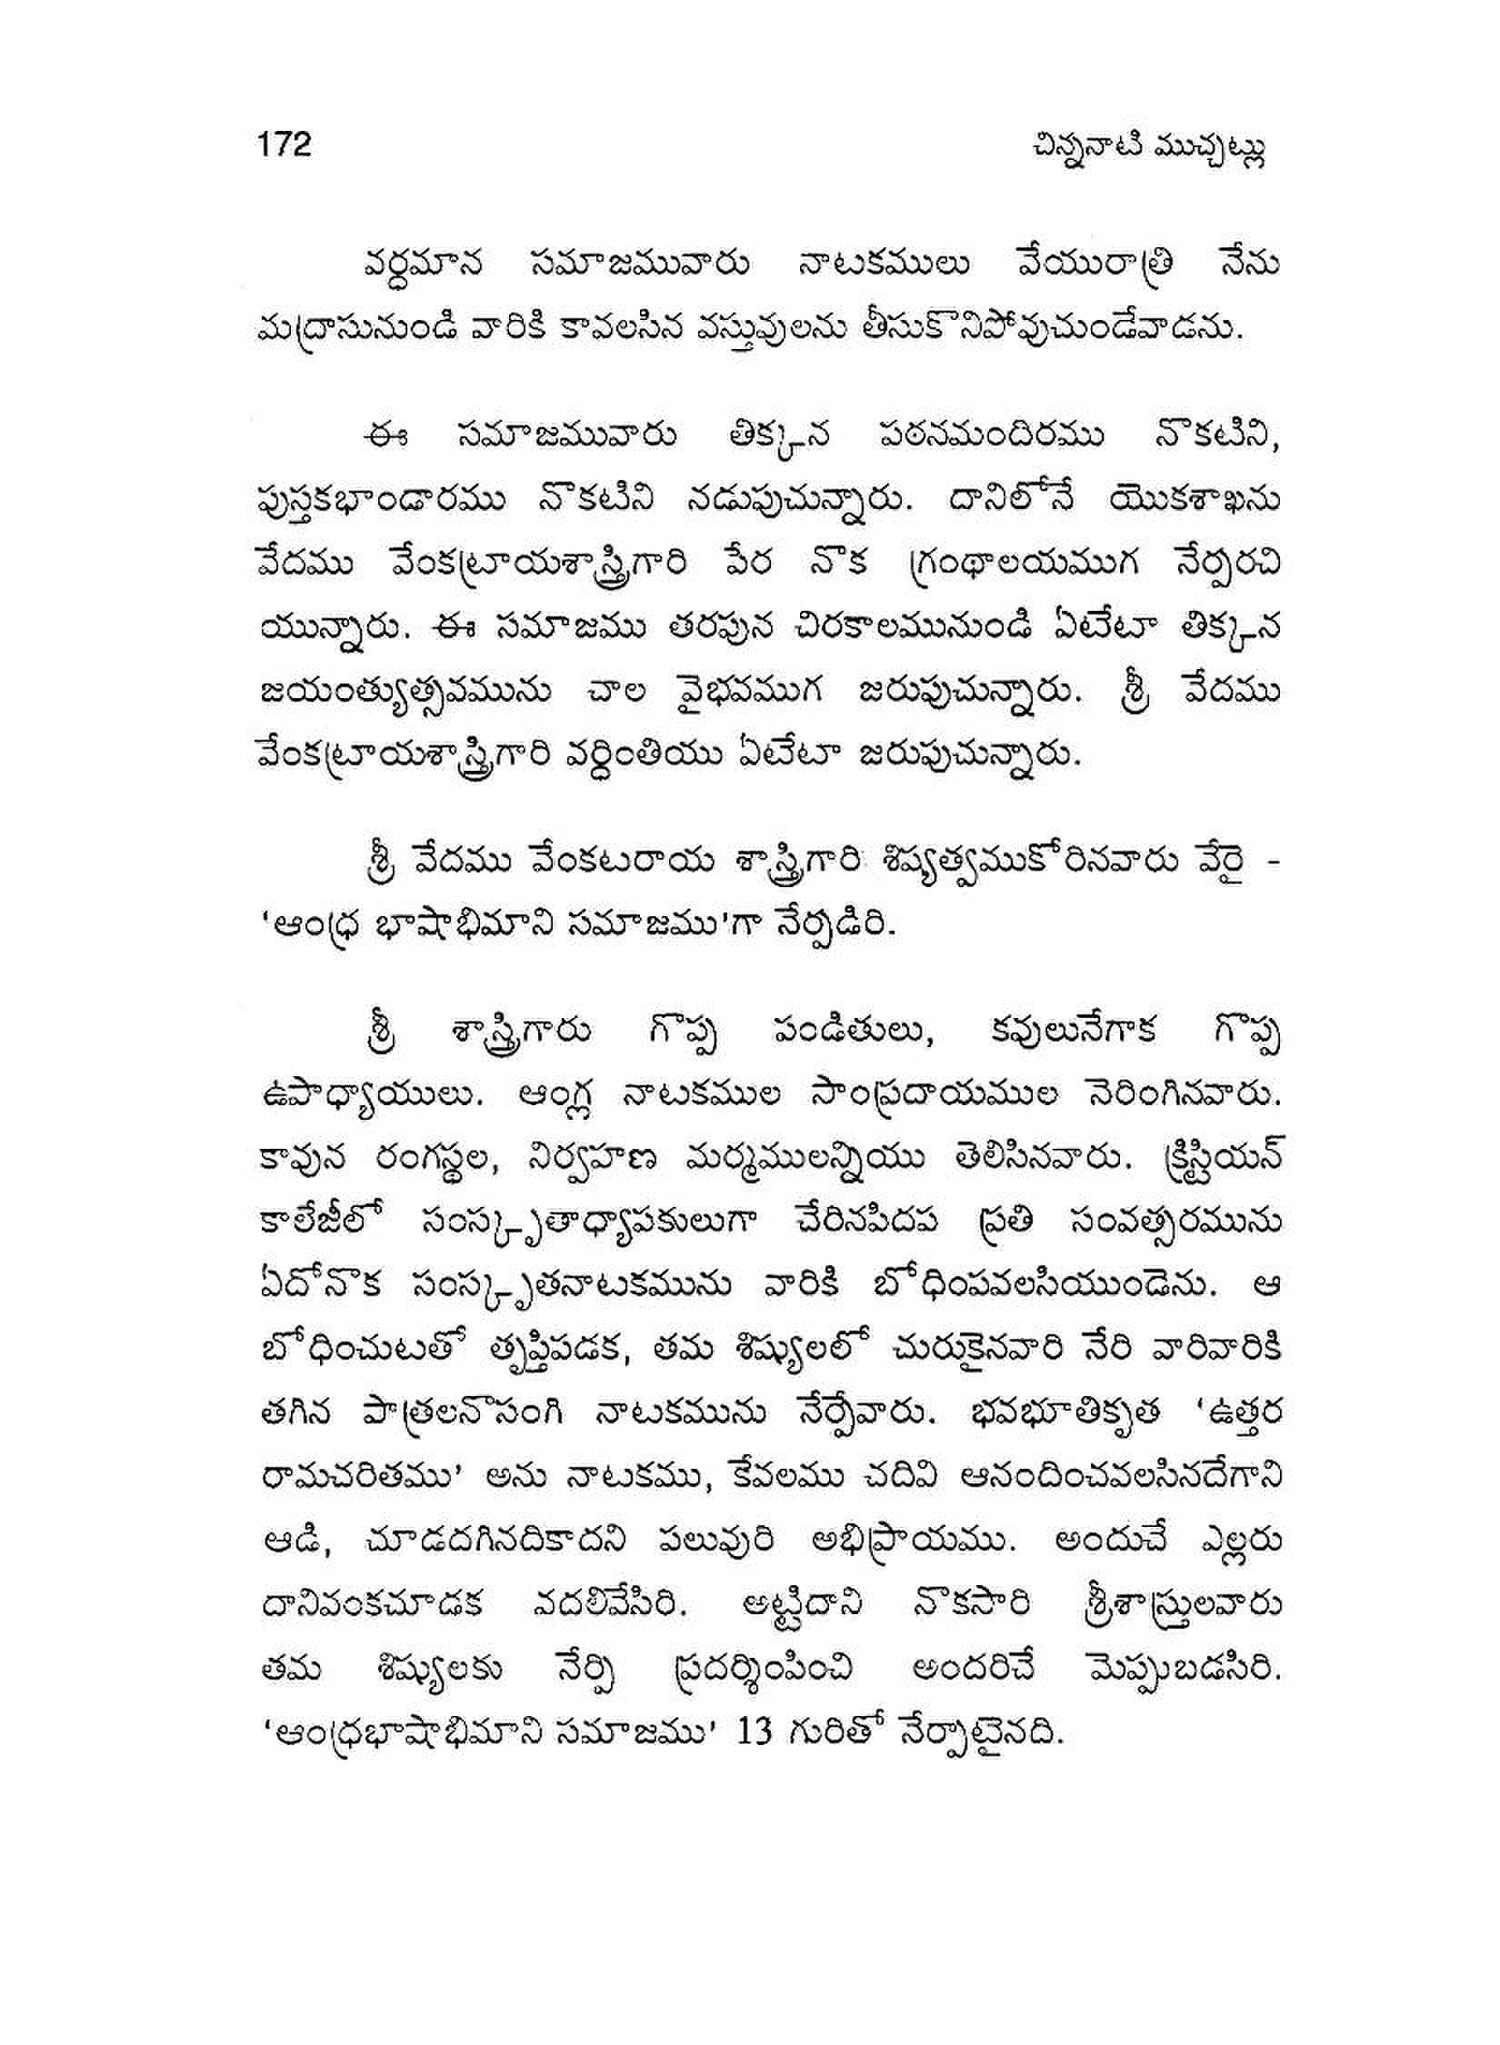వర్ధమాన సమాజమువారు నాటకములు వేయురాత్రి నేను మద్రాసునుండి వారికి కావలసిన వస్తువులను తీసుకొనిపోవుచుండేవాడను.

ఈ సమాజమువారు తిక్కన పఠనమందిరము నొకటిని, పుస్తకభాండారము నొకటిని నడుపుచున్నారు. దానిలోనే యొకశాఖను వేదము వేంకట్రాయశాస్త్రిగారి పేర నొక గ్రంథాలయముగ నేర్పరచి యున్నారు. ఈ సమాజము తరపున చిరకాలమునుండి ఏటేటా తిక్కన జయంత్యుత్సవమును చాల వైభవముగ జరుపుచున్నారు. శ్రీ వేదము వేంకట్రాయశాస్త్రిగారి వర్ధంతియు ఏటేటా జరుపుచున్నారు.

శ్రీ వేదము వేంకటరాయ శాస్త్రిగారి శిష్యత్వముకోరినవారు వేరై - 'ఆంధ్ర భాషాభిమాని సమాజము'గా నేర్పడిరి.

శ్రీ శాస్త్రిగారు గొప్ప పండితులు, కవులునేగాక గొప్ప ఉపాధ్యాయులు. ఆంగ్ల నాటకముల సాంప్రదాయముల నెరింగినవారు. కావున రంగస్థల, నిర్వహణ మర్మములన్నియు తెలిసినవారు. క్రిస్టియన్ కాలేజీలో సంస్కృతాధ్యాపకులుగా చేరినపిదప ప్రతి సంవత్సరమును ఏదోనొక సంస్కృతనాటకమును వారికి బోధింపవలసియుండెను. ఆ బోధించుటతో తృప్తిపడక, తమ శిష్యులలో చురుకైనవారి నేరి వారివారికి తగిన పాత్రలనొసంగి నాటకమును నేర్చేవారు. భవభూతికృత 'ఉత్తర రామచరితము' అను నాటకము, కేవలము చదివి ఆనందించవలసినదేగాని ఆడి, చూడదగినదికాదని పలువురి అభిప్రాయము. అందుచే ఎల్లరు దానివంకచూడక వదలివేసిరి. అట్టిదాని నొకసారి శ్రీశాస్తులవారు తమ శిష్యులకు నేర్చి ప్రదర్శింపించి అందరిచే మెప్పుబడసిరి. "ఆంధ్రభాషాభిమాని సమాజము" 13 గురితో నేర్పాటైనది.